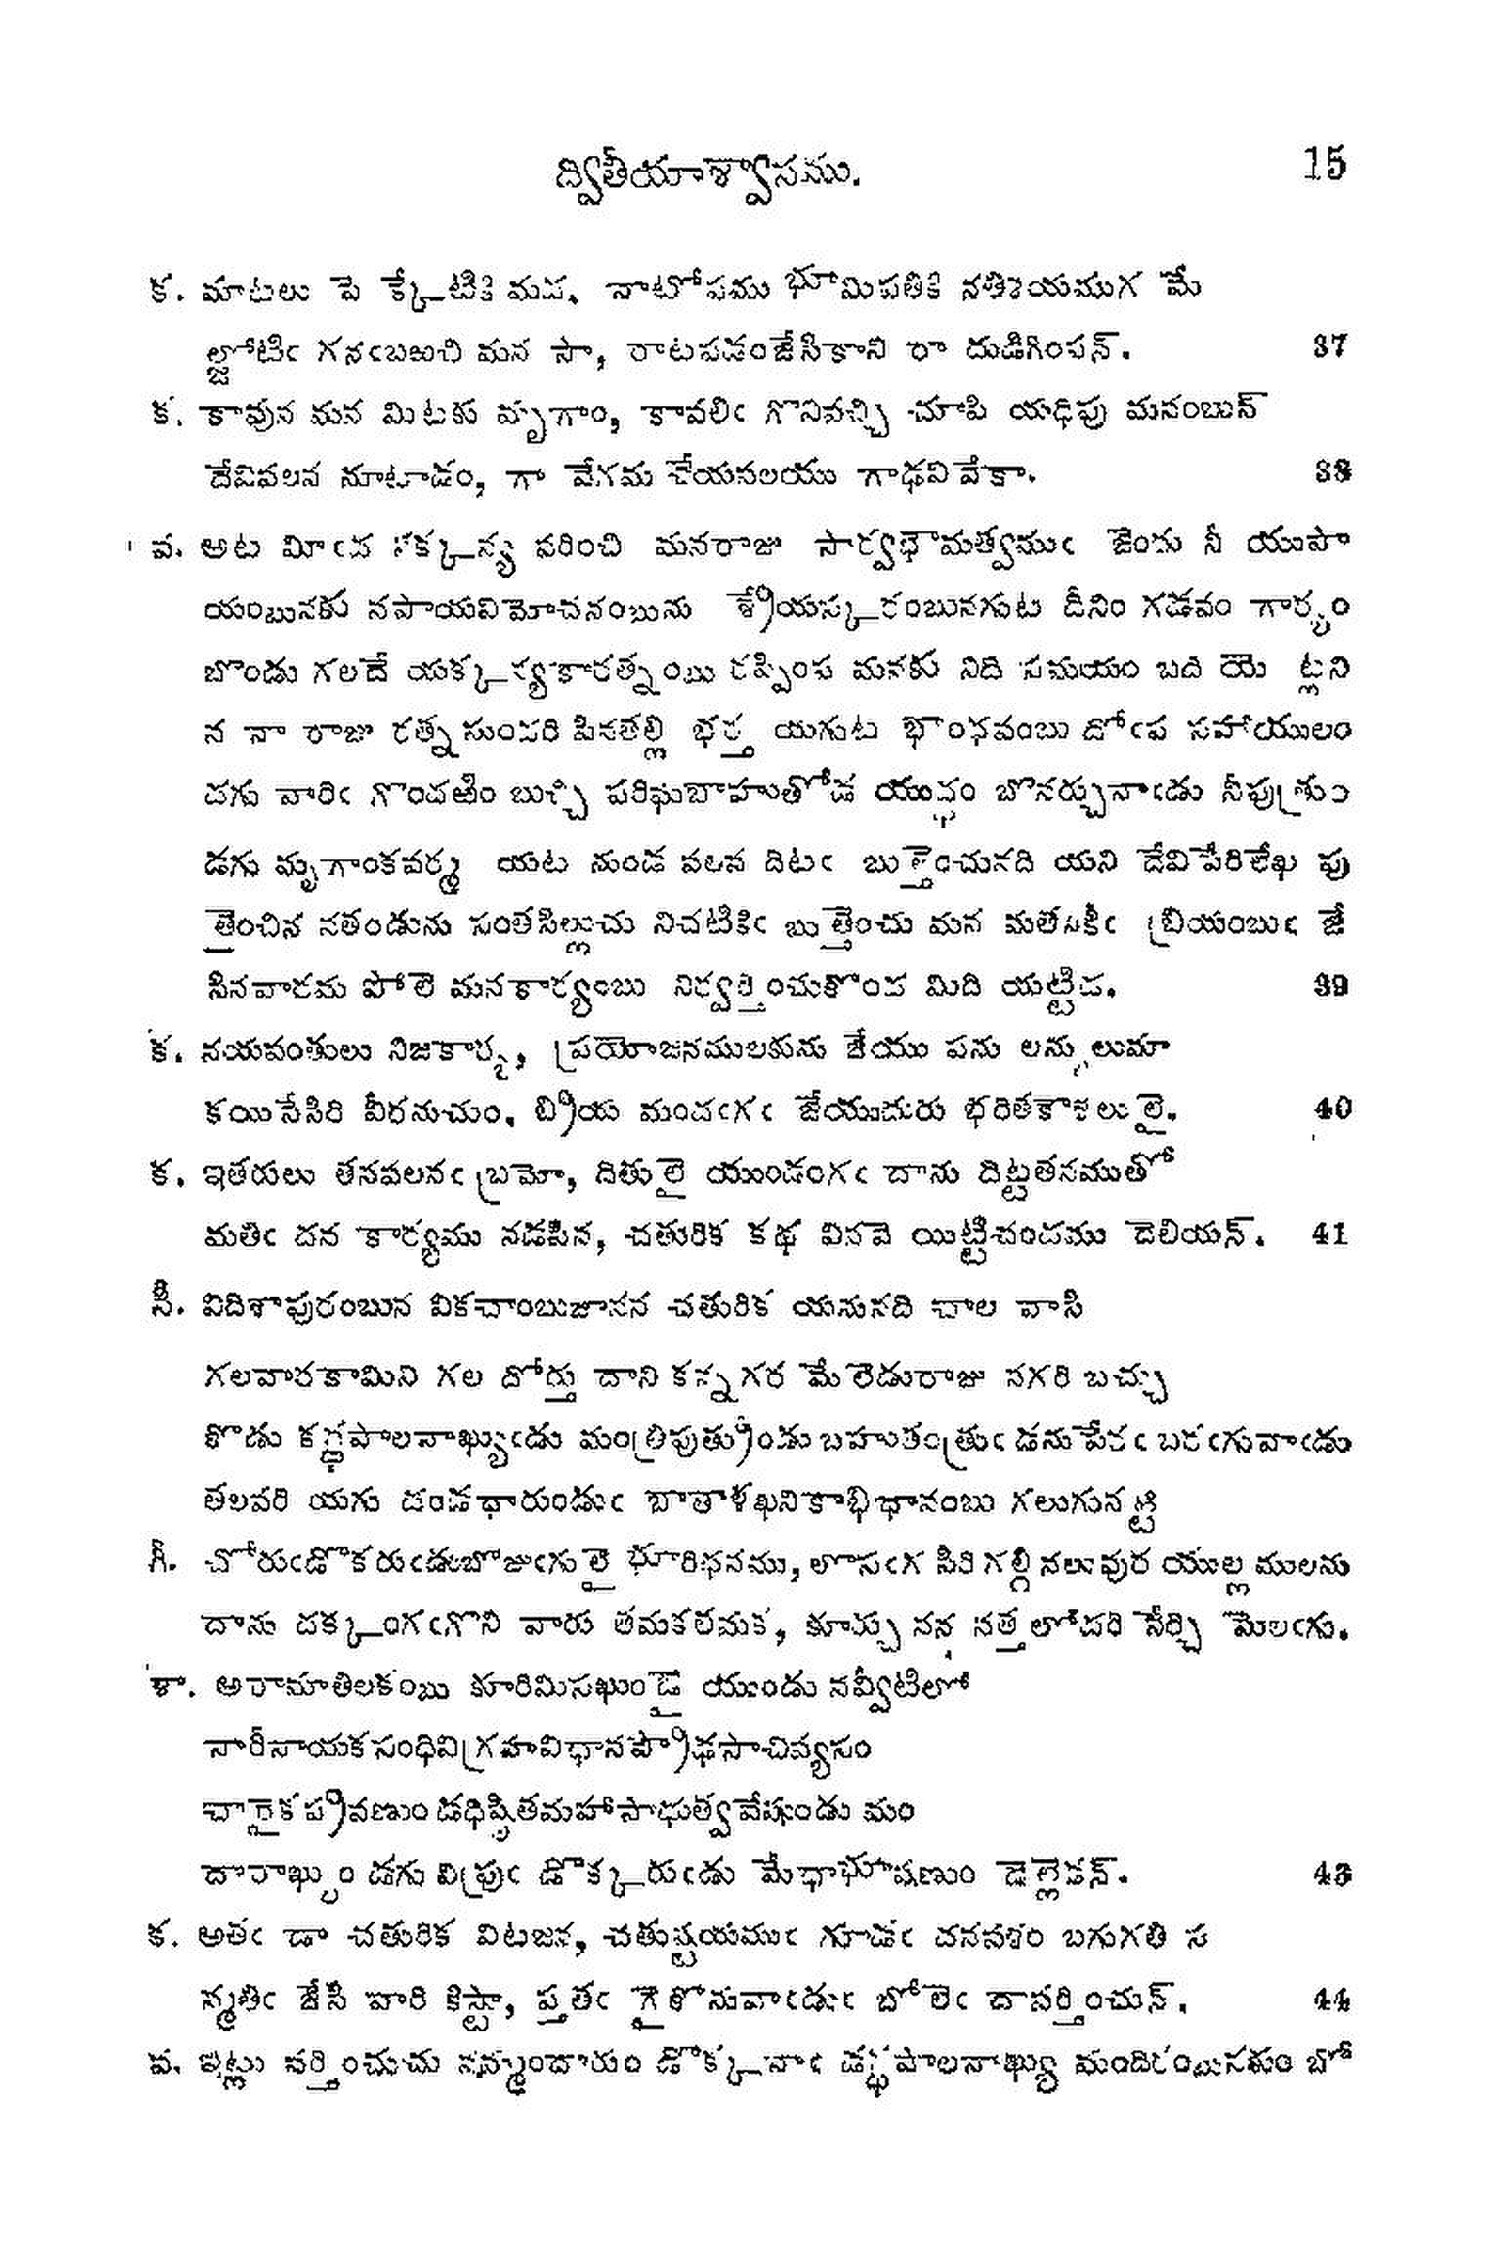క. మాటలు పె క్కేటికి మద, నాటోపము భూమిపతికి నతిశయముగ మే
 ల్జోటిఁ గనఁబఱచి మన సా, రాటపడంజేసి కాని రా దుడిగింపన్.
క. కావున మన మిటకు మృగాం, కావలిఁ గొనివచ్చి చూపి యధిపు మనంబున్
 దేవివలన నూటాడం, గా వేగమ చేయవలయు గాఢవివేకా.
వ. అట మీఁద నక్కన్య వరించి మన రాజు సార్వభౌమత్వముఁ జెందు నీ యుపా
 యంబునకు నపాయవిమోచనంబును శ్రేయస్కరంబు నగుట దీనిం గడవం గార్యం
 బొండు గలదే యక్కన్యకారత్నంబు రప్పింప మనకు నిది సమయం బది యె ట్లని
 న నా రాజు రత్నసుందరి పినతల్లి భర్త యగుట భాంధవంబు దోఁప సహాయులం
 దగు వారిఁ గొందఱిం బుచ్చి పరిఘబాహుతోడ యుద్ధం బొనర్చునాఁడు నీపుత్రుం
 డగు మృగాంకవర్మ యట నుండ వలన దిటఁ బుత్తెంచునది యని దేవిపేరిలేఖ పు
 త్తెంచిన నతండును సంతసిల్లుచు నిచటికిఁ బుత్తెంచు మన మతని కీబ్రియంబుఁ జే
 సినవారమ పోలె మనకార్యంబు నిర్వర్తించుకొంద మిది యట్టిద.
క. నయవంతులు నిజకార్య, ప్రయోజనములకును జేయు పను లన్యులు మా
 కయి సేసిరి వీ రనుచుం, బ్రియ మందఁగఁ జేయుదురు భరితకౌశలులై.
క. ఇతరులు తనవలనఁ బ్రమో, దితులై యుండంగఁ దాను దిట్టతనముతో
 మతిఁ దన కార్యము నడసిన, చతురిక కథ వినవె యిట్టిచందము దెలియన్.
సీ. విదిశాపురంబున వికచాంబుజానన చతురిక యనునది చాల వాసి
 గలవారకామిని గల దోర్తు దాని కన్నగర మేలెడురాజు నగరి బచ్చు
 కొడు కర్ధపాలనాఖ్యుఁడు మంత్రిపుత్రుండు బహుతంత్రుఁ డను పేరఁ బరఁగువాఁడు
 తలవరి యగు దండధారుండుఁ బాతాళఖనికాభిధానంబు గలుగునట్టి
గీ. చోరుఁడొకరుఁడు బొజుఁగులై భూరిధనము, లొసఁగ సిరి గల్గి నలువుర యుల్లములను
 దాను దక్కంగఁగొని వారు తమకతమక, కూర్చు నన నత్తలోదరి నేర్చి మెలఁగు.
శా. ఆరామాతిలకంబు కూరిమిసఖుండై యుండు నవ్వీటిలో
 నారీనాయకసంధినిగ్రహవిధానప్రౌఢసాచివ్యసం
 చారైకప్రవణుం డధిష్ఠితమహాసాధుత్వవేషుండు మం
 దారాఖ్యుం డగు విప్రుఁ డొక్కరుఁడు మేధాభూషణుం డెల్లెడన్.
క. అతఁ డా చతురిక విటజన, చతుష్టయముఁ గూడఁ దనవశం బగుగతి స
 న్మతిఁ జేసి జారి కిష్టా, ప్తతఁ గైకొనువాఁడుఁ బోలెఁ దా వర్తించున్.
వ. ఇట్లు వర్తించుచు నమ్మందారుం డొక్కనాఁ డర్ధపాలనాఖ్యుమందిరంబునకుం బో